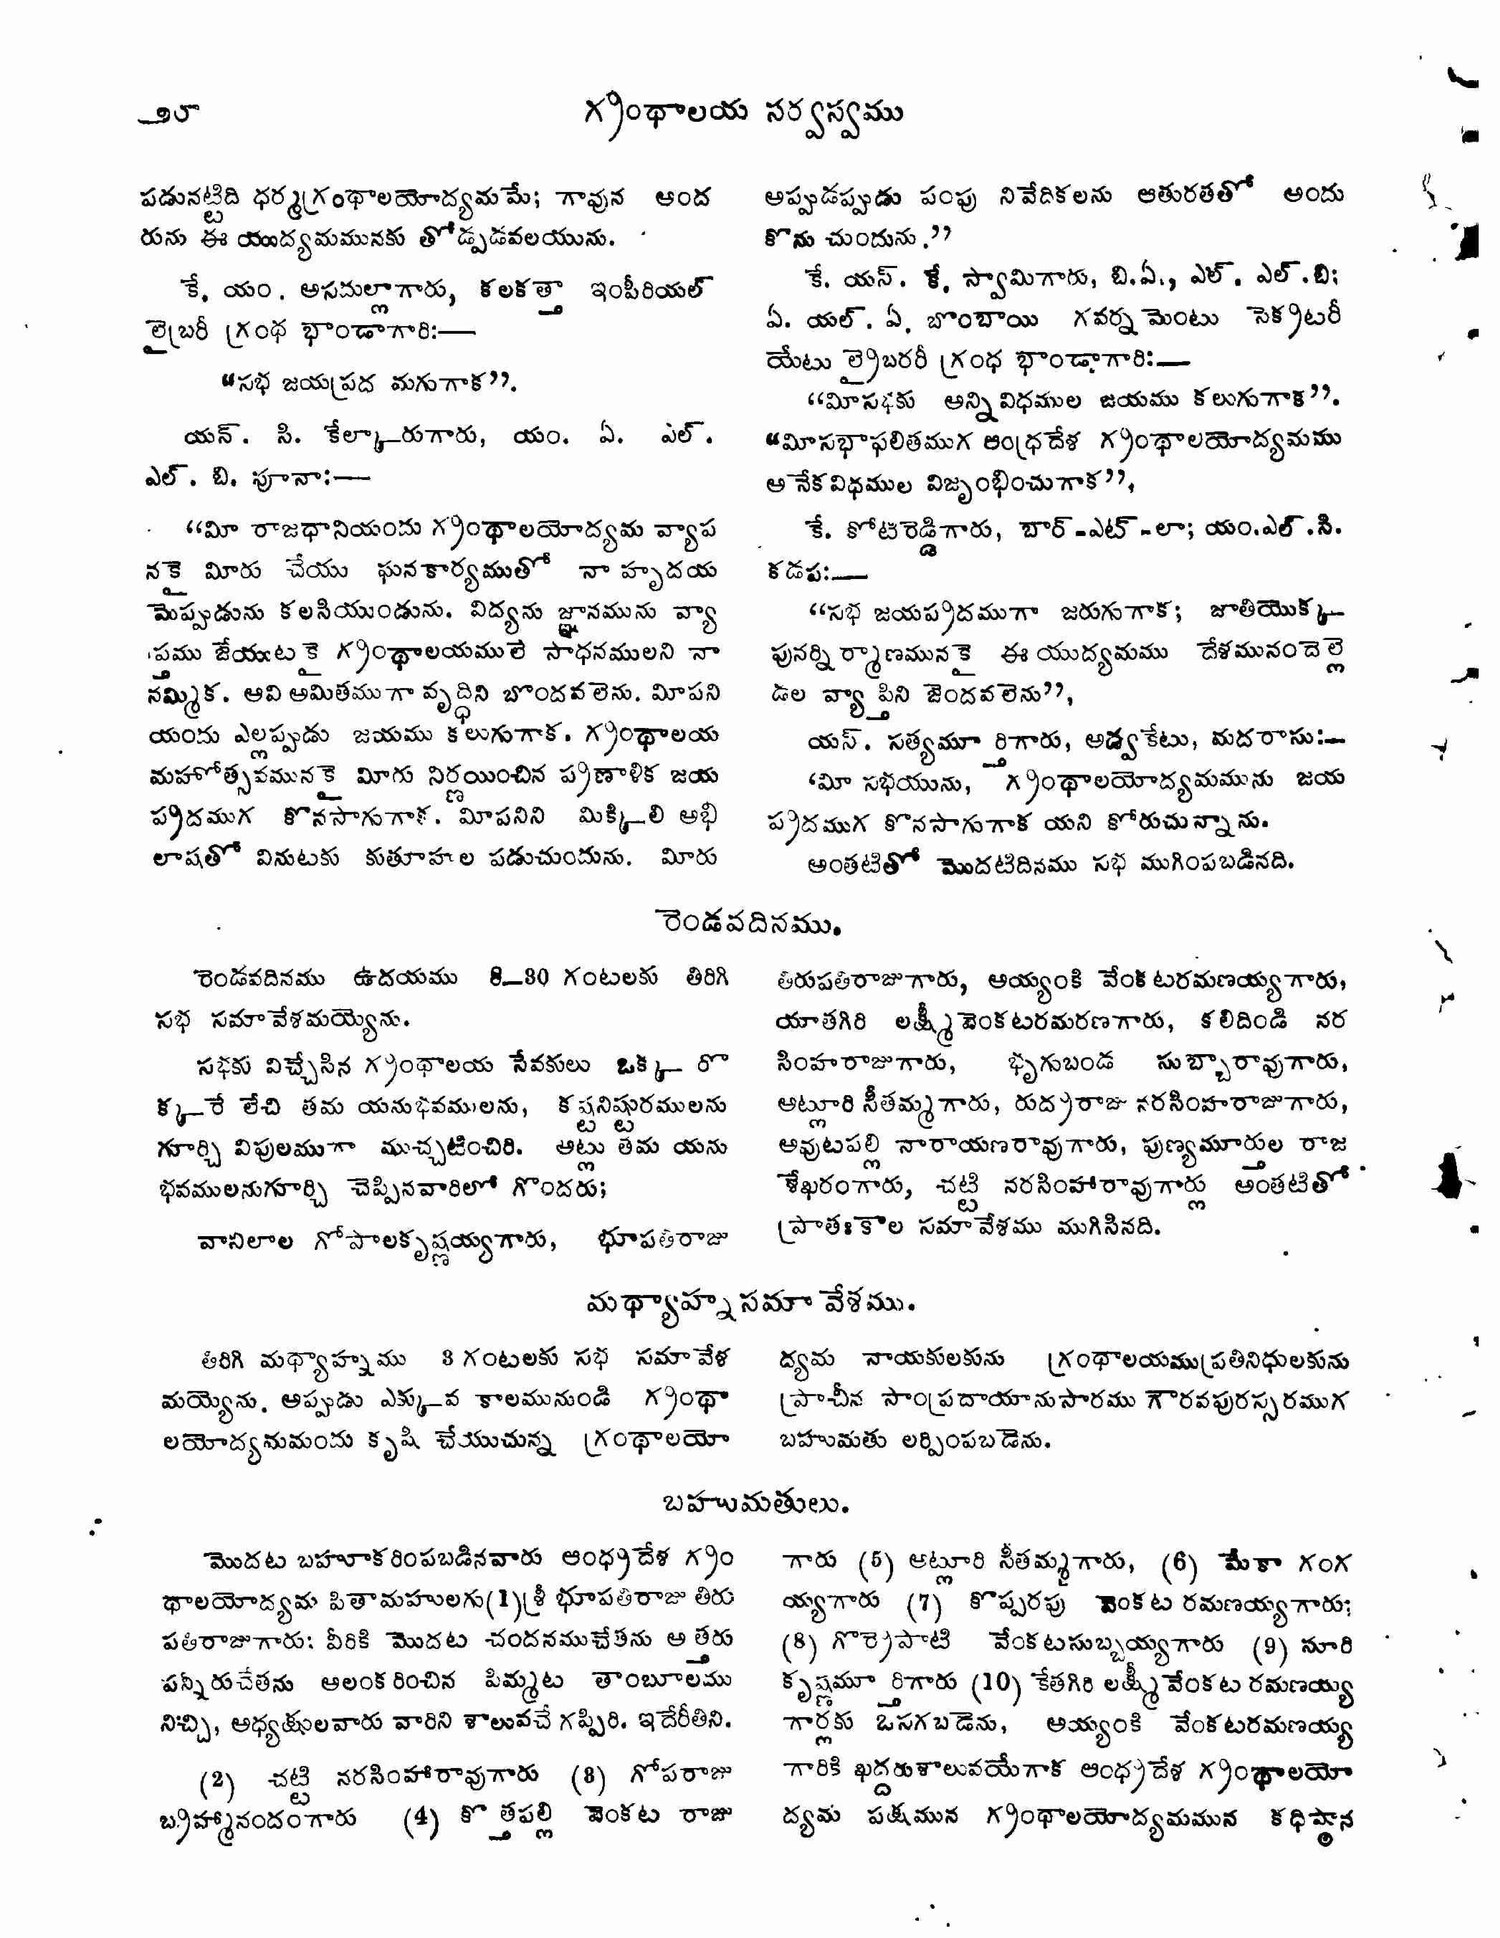పడునట్టిది ధర్మగ్రంథాలయోద్యమమే; గావున అందరును ఈ యద్యమమునకు తోడ్పడవలయును.

కే. యం. అసదుల్లాగారు, కలకత్తా ఇంపీరియల్ లైబ్రరీ గ్రంథ భాండాగారి:-

" సభ జయప్రద మగుగాక”

యన్. సి. కేల్కారు గారు, యం. ఏ. ఎల్. ఎల్. బి. పూనా:-

"మీ రాజధానియందు గ్రంథాలయోద్యమ వ్యాపనకై మీరు చేయు ఘన కార్యముతో నా హృదయ మెప్పుడును కలసియుండును. విద్యను జ్ఞానమును వ్యాపము జేయుటకై గ్రంథాలయములే సాధనములని నా మ్మిక. ఆవి అమితము గా వృద్ధిని బొందవలెను. మీ పని
యందు ఎల్లప్పుడు జయము కలుగుగాక. గ్రంథాలయ మహోత్సవమునకై మీరు నిర్ణయించిన ప్రణాళిక జయప్రదముగ కొనసాగుగాక. 
మీ పనిని మిక్కిలి అభిలాషతో వినుటకు కుతూహల పడుచుందును. మీరు అప్పుడప్పుడు పంపు నివేదికలను ఆతురతతో అందు
కే.యస్.కే. స్వామిగారు, బి.ఏ., ఎల్. ఎల్. బి; ఏ. యల్. ఏ. బొంబాయి గవర్నమెంటు సెక్రటరీయేటు స్క్రైబరరీ గ్రంధ భాండాగారి:—

“మీ సభకు అన్ని విధముల జయము కలుగు గాక. “మిసభాఫలితముగ ఆంధ్రదేశ గ్రంథాలయోద్యమము అనేక విధముల విజృంభించుగాక",

కే. కోటి రెడ్డి గారు, బార్-ఎట్-లా; యం.ఎల్.సి.కడప:-

“సభ జయప్రదముగా జరుగుగాక; జాతియొక్కపునర్నిర్మాణమునకై ఈ యుద్యమము దేశమునందెల్లె వ్యాప్తిని జెందవలెను”,

యస్. సత్యమూ ర్తిగారు, అడ్వకేటు, మదరాసు:-

'మీ సభయును, గ్రంథాలయోద్యమమును జయప్రదముగ కొనసాగుగాక యని కోరుచున్నాను.

అంతటితో మొదటిదినము సభ ముగింపబడినది.

రెండవదినము ఉదయము 8-30 గంటలకు తిరిగి సభ సమావేశమయ్యెను.

సభకు విచ్చేసిన గ్రంథాలయ సేవకులు ఒక్కరొక్కరే లేచి తమ యనుభవములను, కష్టనిష్ఠురములను గూర్చి విపులముగా ముచ్చటించిరి. అట్లు తమ యను భవములనుగూర్చి చెప్పినవారిలో గొందరు;

వానిలాల గోపాలకృష్ణయ్యగారు, భూపతిరాజు, తిరుపతిరాజు గారు, అయ్యంకి వెంకటరమణయ్య గారు, యాతగిరి లక్ష్మీవెంకటరమణగారు, కలిదిండి నరసింహరాజుగారు, భృగుబండ సుబ్బారావుగారు, అట్లూరి సీతమ్మగారు, రుద్ర) రాజు నరసింహరాజుగారు, రుద్రరాజు
ఆవుటపల్లి నారాయణరావు గారు, పుణ్యమూర్తుల రాజశేఖరం గారు, చట్టి నరసింహారావు గార్లు అంతటితో ప్రాతఃకాల సమావేశము ముగిసినది.

తిరిగి మధ్యాహ్నము 3 గంటలకు సభ సమావేశ మయ్యెను. అప్పుడు ఎక్కువ కాలమునుండి గ్రంథాలయోద్యమమందు కృషి చేయుచున్న గ్రంథాలయోద్యమ నాయకులను గ్రంథాలయము ప్రతినిధులకును ప్రాచీన సాంప్రదాయానుసారము గౌరవపురస్సరముగ బహుమతు లర్పింపబడెను. 

మొదట బహూకరింపబడినవారు ఆంధ్ర దేశ గ్రంథాలయోద్యమ పితామహులగు (1) శ్రీ భూపతిరాజు తిరుపతిరాజుగారు; వీరికి మొదట చందనము చేతను అత్తరు పన్నీరుచేతను అలంకరించిన పిమ్మట తాంబూలము నిచ్చి, అధ్యక్షులవారు వారిని శాలువచే గప్పిరి. ఇదేరీతిని.

(2) చట్టి నరసింహారావుగారు (3) గోపరాజు బ్రహ్మానందంగారు (4) కొతపల్లి వెంకట రాజు గారు (5) ఆట్లూరి సీతమ్మగారు, (6) మేకా గంగయ్యగారు (7) కొప్పరపు వెంకట రమణయ్య గారు; (8) గొర్రెపాటి వేంకట సుబ్బయ్య గారు (9) నూరి కృష్ణమూ ర్తిగారు (10) కేతగిరి లక్ష్మీ వేంకట రమణయ్య గార్లకు ఒసగబడెను, అయ్యంకి వెంకటరమణయ్య గారికి ఖద్దరుశాలువయేగాక ఆంధ్రదేశ గ్రంథాలయోద్యమ పక్షమున గ్రంథాలయోద్యమమున కధిష్ఠాన